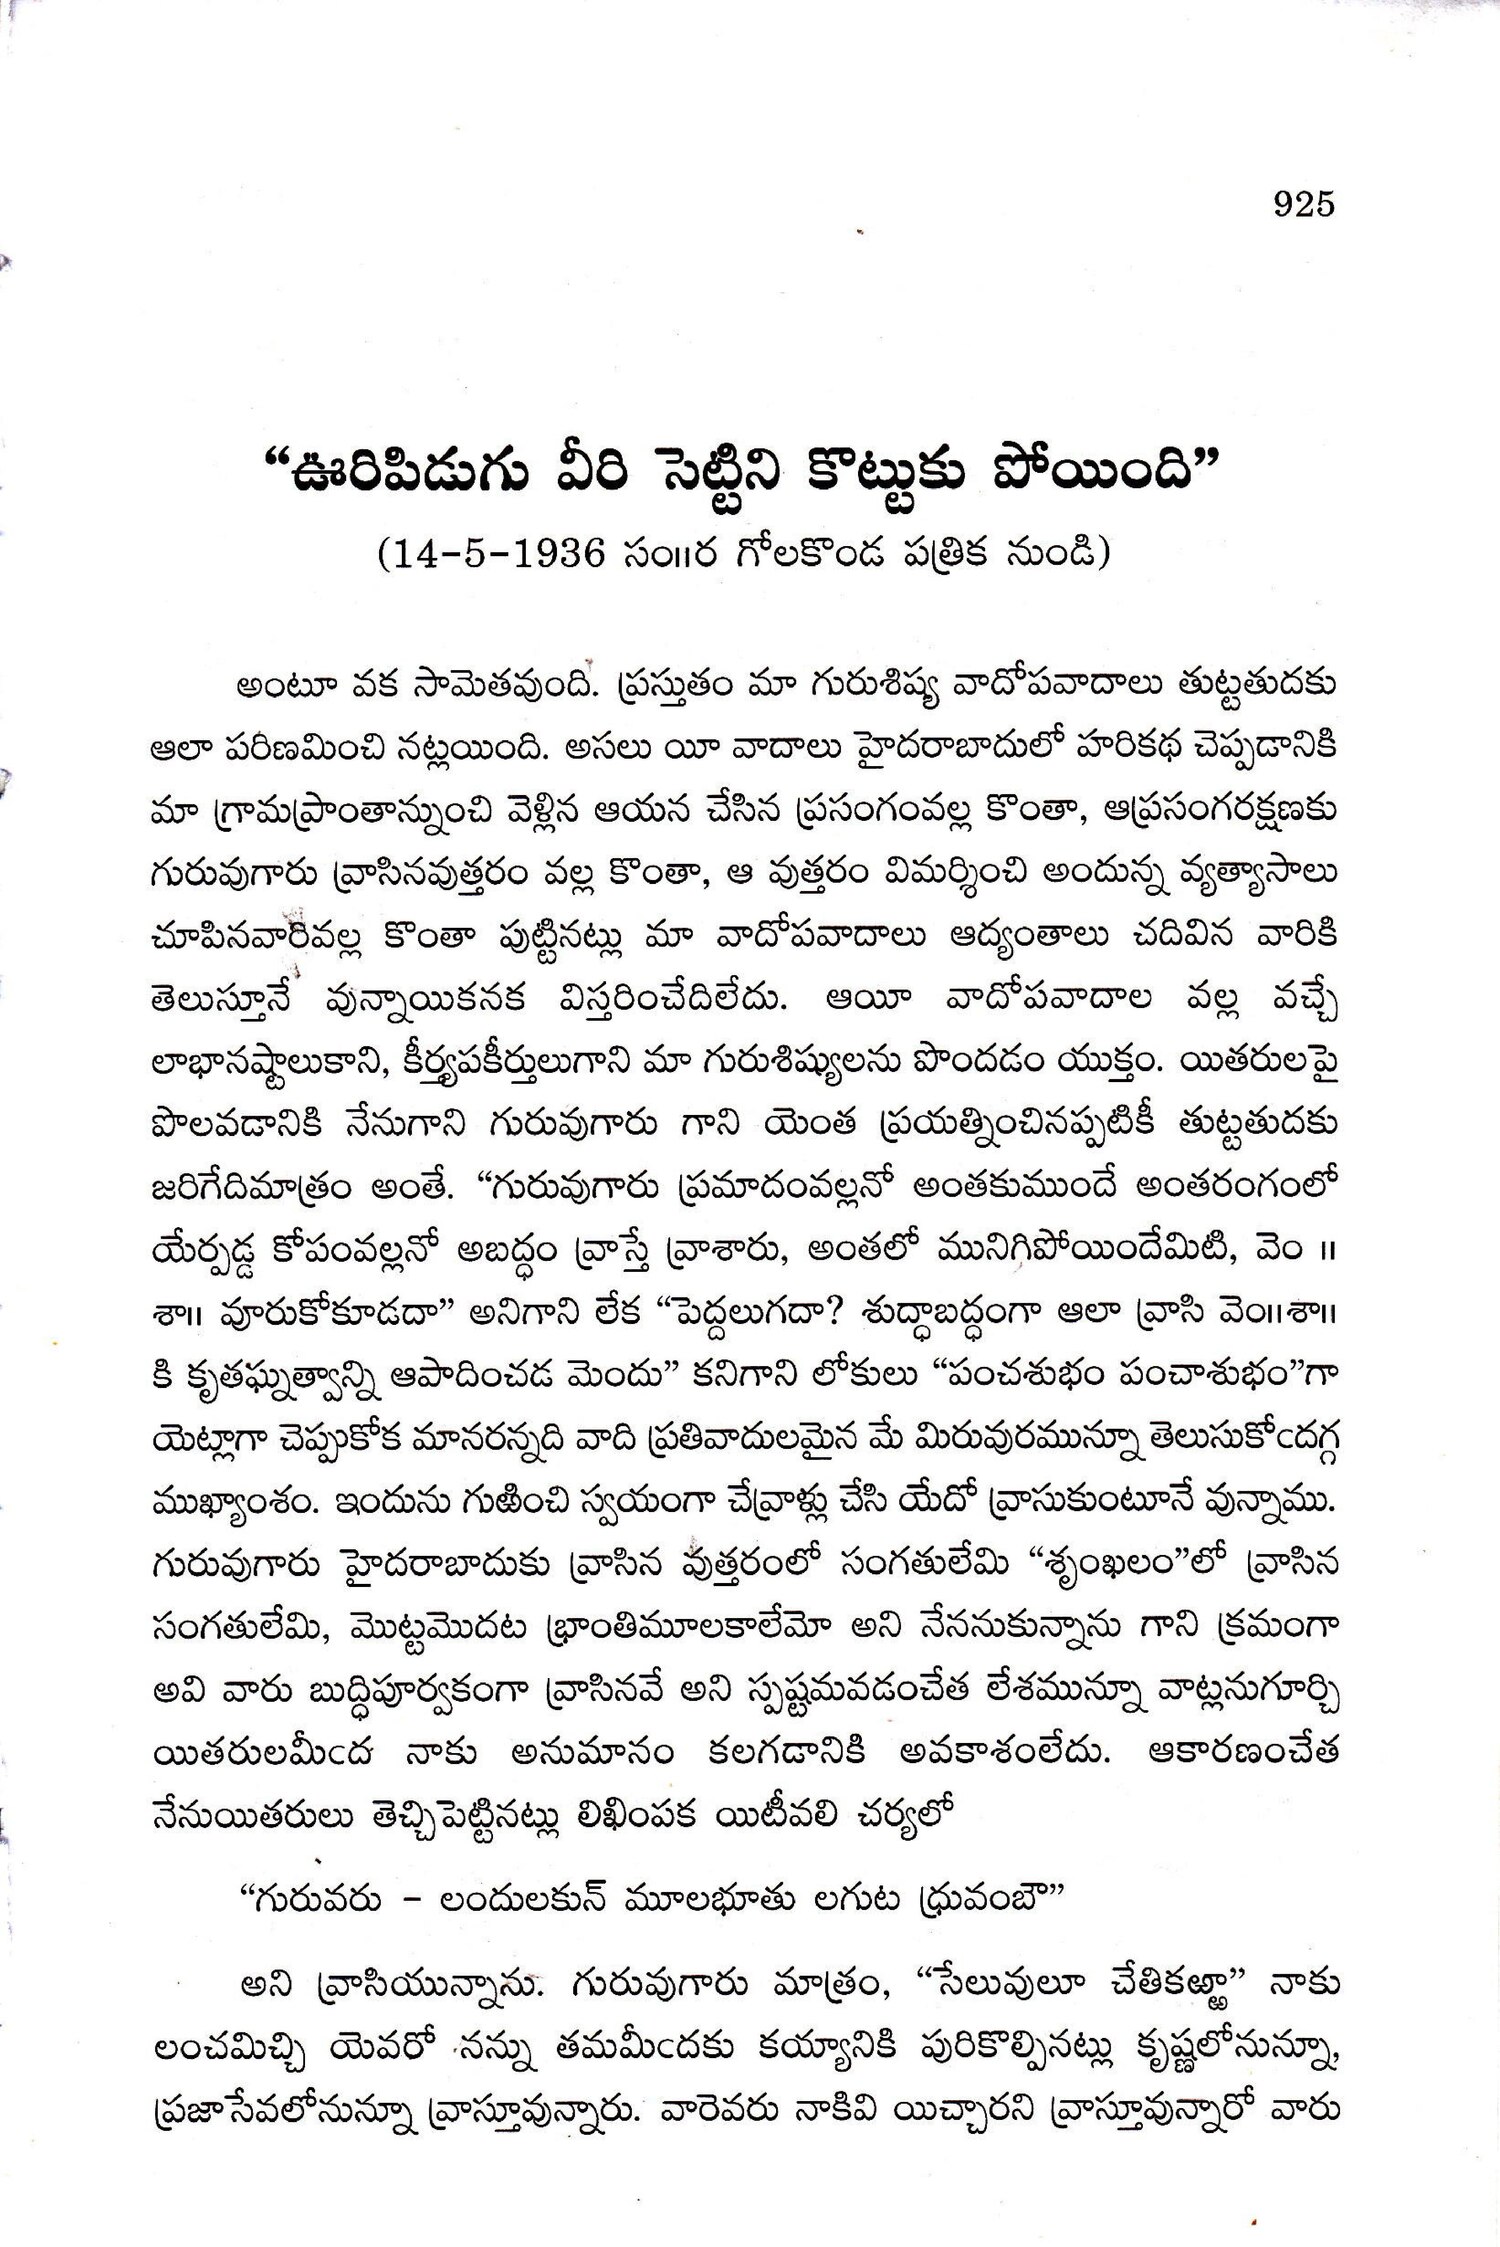“ఊరిపిడుగు వీరి సెట్టిని కొట్టుకు పోయింది" 
(14-5-1936 సం||ర గోలకొండ పత్రిక నుండి)

అంటూ వక సామెతవుంది. ప్రస్తుతం మా గురుశిష్య వాదోపవాదాలు తుట్టతుదకు ఆలా పరిణమించి నట్లయింది. అసలు యీ వాదాలు హైదరాబాదులో హరికథ చెప్పడానికి మా గ్రామప్రాంతాన్నుంచి వెళ్లిన ఆయన చేసిన ప్రసంగంవల్ల కొంతా, ఆప్రసంగరక్షణకు గురువుగారు వ్రాసినవుత్తరం వల్ల కొంతా, ఆ వుత్తరం విమర్శించి అందున్న వ్యత్యాసాలు చూపినవారివల్ల కొంతా పుట్టినట్లు మా వాదోపవాదాలు ఆద్యంతాలు చదివిన వారికి తెలుస్తూనే వున్నాయికనక విస్తరించేదిలేదు. ఆయీ వాదోపవాదాల వల్ల వచ్చే లాభానష్టాలుకాని, కీర్త్యపకీర్తులుగాని మా గురుశిష్యులను పొందడం యుక్తం. యితరులపై పొలవడానికి నేనుగాని గురువుగారు గాని యెంత ప్రయత్నించినప్పటికీ తుట్టతుదకు జరిగేదిమాత్రం అంతే. “గురువుగారు ప్రమాదంవల్లనో అంతకుముందే అంతరంగంలో యేర్పడ్డ కోపంవల్లనో అబద్ధం వ్రాస్తే వ్రాశారు, అంతలో మునిగిపోయిందేమిటి, వెం II శాII వూరుకోకూడదా" అనిగాని లేక "పెద్దలుగదా? శుద్దాబద్ధంగా ఆలా వ్రాసి వెం||శా|| కి కృతఘ్నత్వాన్ని ఆపాదించడ మెందు” కనిగాని లోకులు “పంచశుభం పంచాశుభం"గా యెట్లాగా చెప్పుకోక మానరన్నది వాది ప్రతివాదులమైన మే మిరువురమున్నూతెలుసుకోఁదగ్గ ముఖ్యాంశం. ఇందును గుఱించి స్వయంగా చేవ్రాళ్లు చేసి యేదో వ్రాసుకుంటూనే వున్నాము. గురువుగారు హైదరాబాదుకు వ్రాసిన వుత్తరంలో సంగతులేమి "శృంఖలం"లో వ్రాసిన సంగతులేమి, మొట్టమొదట భ్రాంతిమూలకాలేమో అని నేననుకున్నాను గాని క్రమంగా అవి వారు బుద్ధిపూర్వకంగా వ్రాసినవే అని స్పష్టమవడంచేత లేశమున్నూ వాట్లనుగూర్చి యితరులమీఁద నాకు అనుమానం కలగడానికి అవకాశంలేదు. ఆకారణంచేత నేనుయితరులు తెచ్చిపెట్టినట్లు లిఖింపక యిటీవలి చర్యలో

“గురువరు - లందులకున్ మూలభూతు లగుట ధ్రువంబౌ”
అని వ్రాసియున్నాను. గురువుగారు మాత్రం, “సేలువులూ చేతికఱ్ఱా" నాకు లంచమిచ్చి యెవరో నన్ను తమమీఁదకు కయ్యానికి పురికొల్పినట్లు కృష్ణలోనున్నూ, ప్రజాసేవలోనున్నూ వ్రాస్తూవున్నారు. వారెవరు నాకివి యిచ్చారని వ్రాస్తూవున్నారో వారు